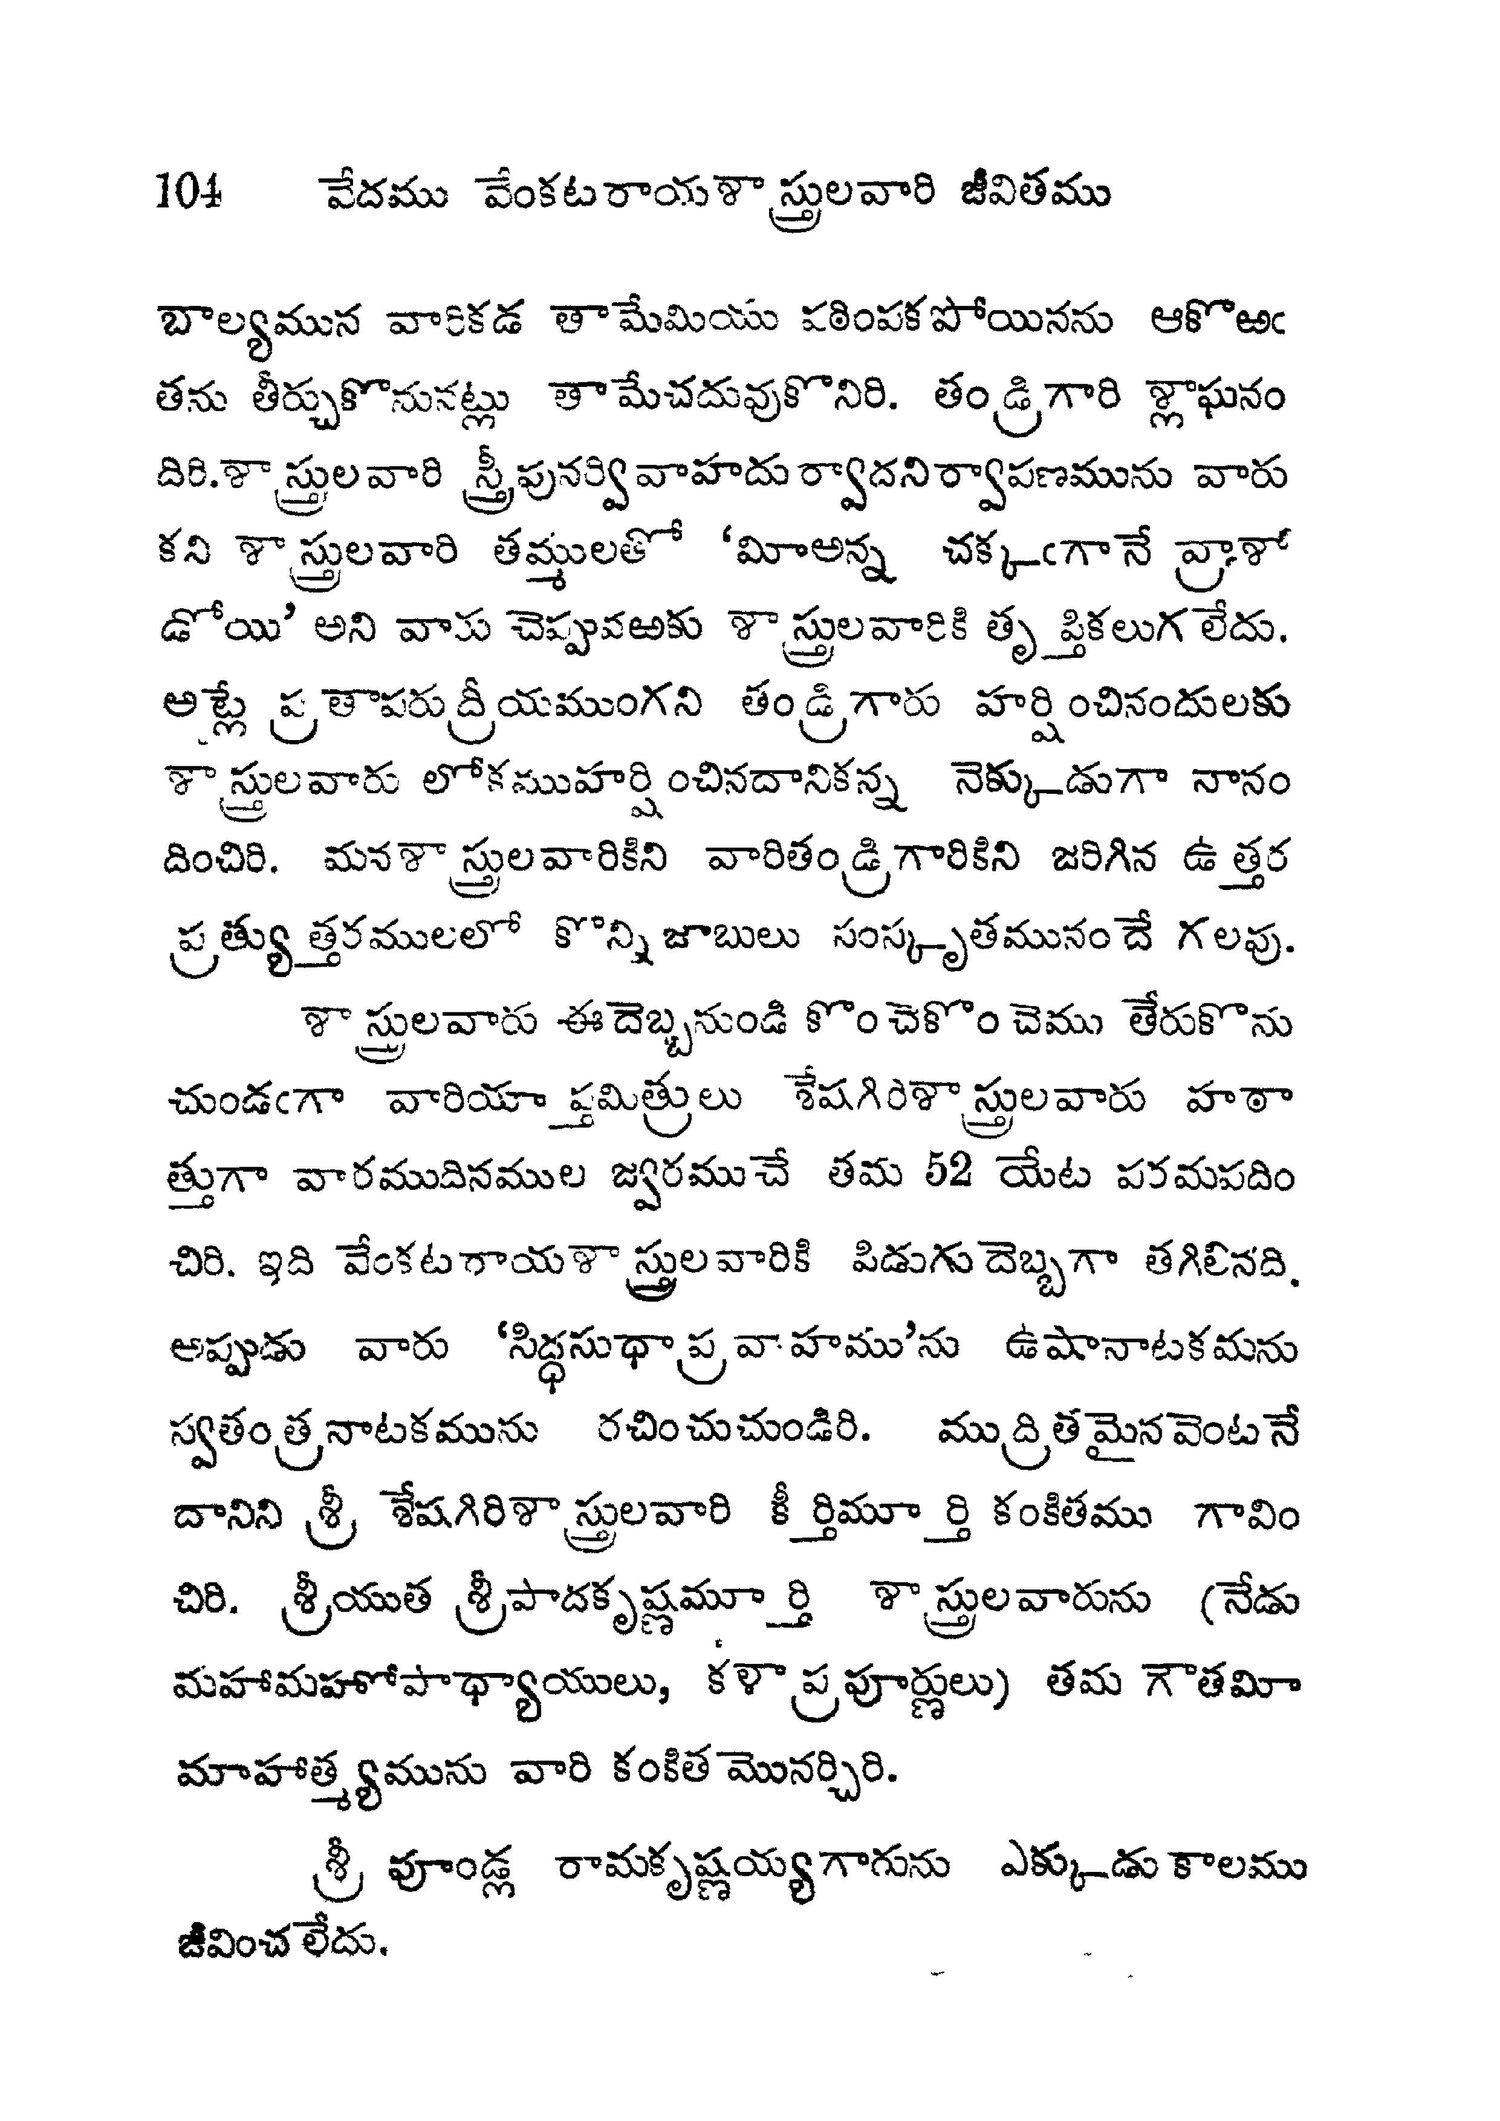బాల్యమున వారికడ తామేమియు పఠింపకపోయినను ఆకొఱతను తీర్చుకొనునట్లు తామేచదువుకొనిరి. తండ్రిగారి శ్లాఘనందిరి. శాస్త్రులవారి స్త్రీపునర్వివాహదు ర్వాదనిర్వాపణమును వారుకని శాస్త్రులవారి తమ్ములతో 'మీఅన్న చక్కగానే వ్రాశాడోయి' అని వారు చెప్పువఱకు శాస్త్రులవారికి తృప్తికలుగలేదు. అట్లే ప్రతాపరుద్రీయముంగని తండ్రిగారు హర్షించినందులకు శాస్త్రులవారు లోకముహర్షించినదానికన్న నెక్కుడుగా నానందించిరి. మనశాస్త్రులవారికిని వారితండ్రిగారికిని జరిగిన ఉత్తర ప్రత్యుత్తరములలో కొన్నిజాబులు సంస్కృతమునందే గలవు.

శాస్త్రులవారు ఈదెబ్బనుండి కొంచెకొంచెము తేరుకొనుచుండగా వారియాప్తమిత్రులు శేషగిరిశాస్త్రులవారు హఠాత్తుగా వారముదినముల జ్వరముచే తమ 52 యేట పరమపదించిరి. ఇది వేంకటరాయశాస్త్రులవారికి పిడుగుదెబ్బగా తగిలినది. అప్పుడు వారు 'సిద్ధసుథాప్రవాహము'ను ఉషానాటకమను స్వతంత్రనాటకమును రచించుచుండిరి. ముద్రితమైనవెంటనే దానిని శ్రీ శేషగిరిశాస్త్రులవారి కీర్తిమూర్తి కంకితము గావించిరి. శ్రీయుత శ్రీపాదకృష్ణమూర్తి శాస్త్రులవారును (నేడు మహామహోపాథ్యాయులు, కళాప్రపూర్ణులు) తమ గౌతమీ మాహాత్మ్యమును వా కంకితమొనర్చిరి.

శ్రీ పూండ్ల రామకృష్ణయ్యగారును ఎక్కుడుకాలము జీవించలేదు.